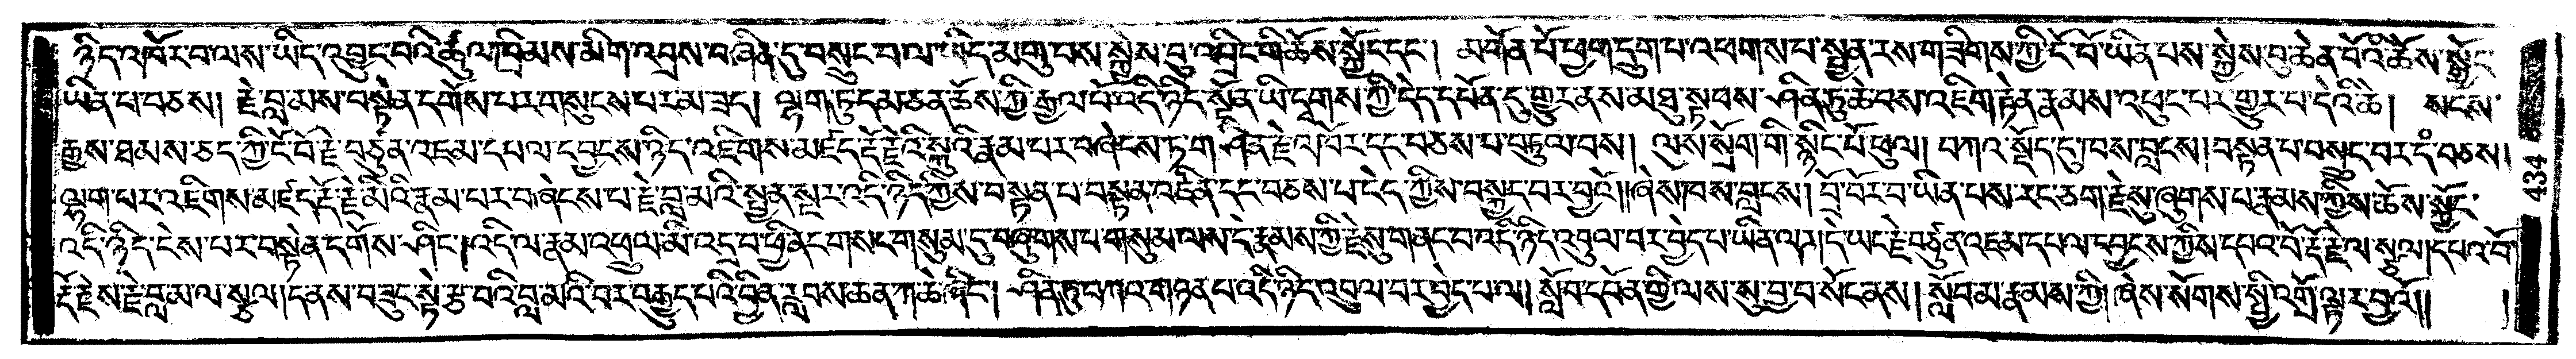ཉིད་འཁོར་བ་ལས་ཡིད་འབྱུང་བའི་ཚུལ་ཁྲིམས་མིག་འབྲས་བཞིན་དུ་བསྲུང་བ་ལ་ཡིད་མགུ་བས་སྐྱེས་བུ་འབྲིང་གི་ཆོས་སྐྱོང་དང་། མགོན་པོ་ཕྱག་དྲུག་པ་འཕགས་པ་སྤྱན་རས་གཟིགས་ཀྱི་ངོ་བོ་ཡིན་པས་སྐྱེས་བུ་ཆེན་པོའི་ཆོས་སྐྱོང་
ཡིན་པ་བཅས། རྗེ་བླ་མས་བསྟེན་དགོས་པར་གསུངས་པར་མ་ཟད། ལྷག་ཏུ་དམ་ཅན་ཆོས་ཀྱི་རྒྱལ་པོ་འདི་ཉིད་སྔོན་ཡི་དྭགས་ཀྱི་དེད་དཔོན་དུ་གྱུར་ནས་མཐུ་སྟབས་ཤིན་ཏུ་ཆེ་བས་འཇིག་རྟེན་རྣམས་འཕུང་བར་གྱུར་པ་དེའི་ཆེ། སངས་
རྒྱས་ཐམས་ཅད་ཀྱི་ངོ་བོ་རྗེ་བཙུན་འཇམ་དཔལ་དབྱངས་ཉིད་འཇིགས་མཛད་རྡོ་རྗེའི་སྐུའི་རྣམས་པར་བཞེངས་ཏ་གཤིན་རྗེ་འཁོར་དང་བཅས་པ་བཏུལ་བས། ལུས་སྲོག་གི་སྙིང་པོ་ཕུལ། བཀའ་སྡོད་དུ་ཁས་བླངས། བསྟན་པ་བསྲུང་བར་དཾ་བཅས།
ལྷག་པར་འཇིགས་མཛད་རྡོ་རྗེ་མིའི་རྣམ་པར་བཞེངས་པ་རྗེ་བླ་མའི་སྤྱན་སྔར་འདི་ཉིད་ཀྱིས་བསྟན་པ་བསྟན་འཛིན་དང་བཅས་པ་ངེད་ཀྱིས་བསྐྱད་པར་བྱའོ། །ཞེས་ཁས་བླངས། བྲོ་བོར་བ་ཡིན་པས་རང་ཅག་རྗེས་སུ་ཞུགས་པ་རྣམས་ཀྱིས་ཆོས་སྐྱོང་
འདི་ཉིད་ངེས་པར་བསྟེན་དགོས་ཤིང་། འདི་ལ་རྣམ་འཕྲུལ་མི་འདྲ་བ་ཕྱི་ནང་གསང་གསུམ་དུ་བཞུགས་པ་གསུམ་ལས་དེ་རྣམས་ཀྱི་རྗེས་སུ་གནང་བ་འདི་ཉིད་འབུལ་བར་བྱེད་པ་ཡིན་ལགས། དེ་ཡང་རྗེ་བཙུན་འཇམ་དཔལ་དབྱངས་ཀྱིས་དཔའ་བོ་རྡོ་རྗེ་ལ་སྩལ། དཔའ་བོ་
རྡོ་རྗེས་རྗེ་བླ་མ་ལ་སྩལ། ད་ནས་བཟུང་སྟེ་རྩ་བའི་བླ་མའི་བར་བརྒྱུད་པའི་བྱིན་རླབས་ཆན་ཀ་ཆེ་ཞིང་། ཤིན་ཏུ་བཀའ་གཉན་པ་འདི་ཉིད་འབུལ་བར་བྱེད་པ་ལ། སློབ་དཔོན་གྱི་ལས་སུ་བྱ་བ་སོང་ནས། སློབ་མ་རྣམས་ཀྱི། ཞེས་སོགས་སྤྱི་འགྲོ་ལྟར་བྱའོ།།